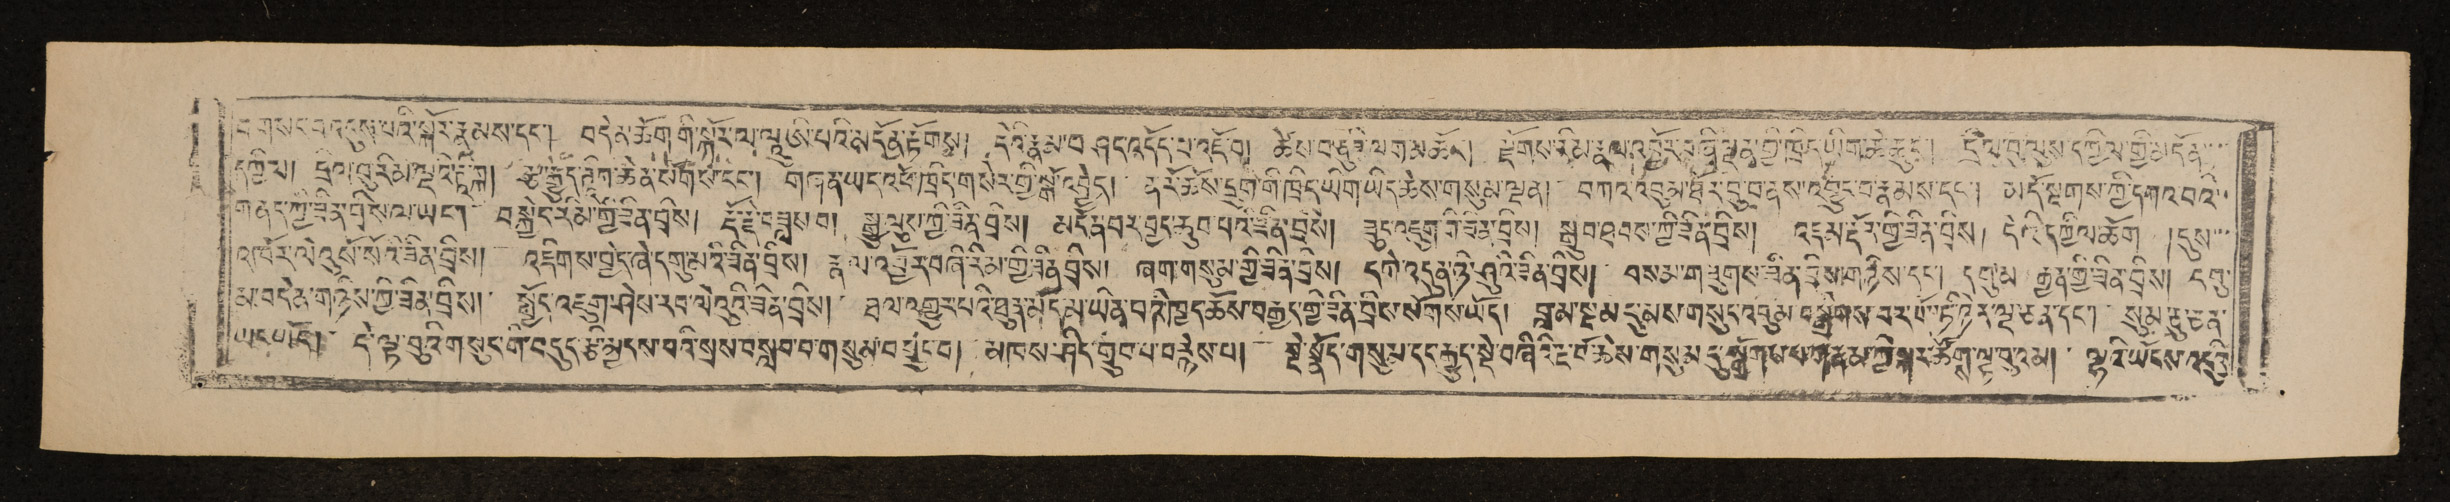པ་གསང་བ་འདུས་པའི་སྐོར་རྣམས་དང་། བདེ་མཆོག་གི་སྐོར་ལ་ལཱུ་ཨི་པའི་མངོན་རྟོགས། དེའི་རྣམ་བཤད་འདོད་པ་འཇོག་ཚེས་བཅུའི་ལག་མཆོད། རྫོགས་རིམ་རྣལ་འབྱོར་བཞི་ལྡན་གྱི་ཁྲིད་ཡིག་ཆེ་ཆུང་། དྲིལ་བུ་ལུས་དཀྱིལ་གྱི་མངོན་
དཀྱིལ། དྲིལ་བུ་རིམ་ལྔའི་ཊཱིཀྐ། རྩ་རྒྱུད་ཊཱིཀ་ཆེན་སོགས་དང་། གཞན་ཡང་འཕོ་ཁྲིད་གསེར་གྱི་སྒོ་འབྱེད། ན་རོ་ཆོས་དྲུག་གི་ཁྲིད་ཡིག་ཡིད་ཆེས་གསུམ་ལྡན། བཀའ་འབུམ་ཐོར་བུ་བ་ནས་འབྱུང་བ་རྣམས་དང་། མདོ་སྔགས་ཀྱི་དཀའ་བའི་
གནད་ཀྱི་ཟིན་བྲིས་ལ་ཡང་། བསྐྱེད་རིམ་གྱི་ཟིན་བྲིས། རྡོ་རྗེ་བཟླས་པ། སྒྱུ་ལུས་ཀྱི་ཟིན་བྲིས། མངོན་པར་བྱང་ཆུབ་པའི་ཟིན་བྲིས། ཟུང་འཇུག་གི་ཟིན་བྲིས། སྒྲུབ་ཐབས་ཀྱི་ཟིན་བྲིས། འཇམ་རྡོར་གྱི་ཟིན་བྲིས། དེའི་དཀྱིལ་ཆོག །དུས་
འཁོར་ལེའུ་སོ་སོའི་ཟིན་བྲིས། འཇིགས་བྱེད་ཞེ་དགུ་མའི་ཟིན་བྲིས། རྣལ་འབྱོར་བཞི་རིམ་གྱི་ཟིན་བྲིས། ཞག་གསུམ་གྱི་ཟིན་བྲིས། དགེ་འདུན་ཉི་ཤུའི་ཟིན་བྲིས། བསམ་གཟུགས་ཟིན་བྲིས་གཉིས་དང་། དབུ་མ་རྒྱན་གྱི་ཟིན་བྲིས། དབུ་
མ་བདེན་གཉིས་ཀྱི་ཟིན་བྲིས། སྤྱོད་འཇུག་ཤེས་རབ་ལེའུའི་ཟིན་བྲིས། ཐལ་འགྱུར་བའི་ཐུན་མོང་མ་ཡིན་པའི་ཁྱད་ཆོས་བརྒྱད་ཀྱི་ཟིན་བྲིས་སོགས་ཡོད། བླ་མ་སྔ་མ་དུ་མས་གསུང་འབུམ་བསྒྲིགས་པར་པོ་ཏི་ཉེར་ལྔ་ཅན་དང་། སུམ་ཅུ་ཅན་
ཡང་ཡོད། དེ་ལྟ་བུའི་གསུང་གི་བདུད་རྩི་མྱངས་པའི་སྲས་བསླབ་པ་གསུམ་བསྲུང་བ། མཁས་ཤིང་གྲུབ་པ་བརྙེས་པ། སྡེ་སྣོད་གསུམ་དང་རྒྱུད་སྡེ་བཞིའི་རྔ་བོ་ཆེས་གསུམ་དུ་སྒྲོགས་པ་གནམ་གྱི་སྐར་ཚོགས་ལྟ་བུའམ། ལྷའི་ཡོངས་འདུའི་